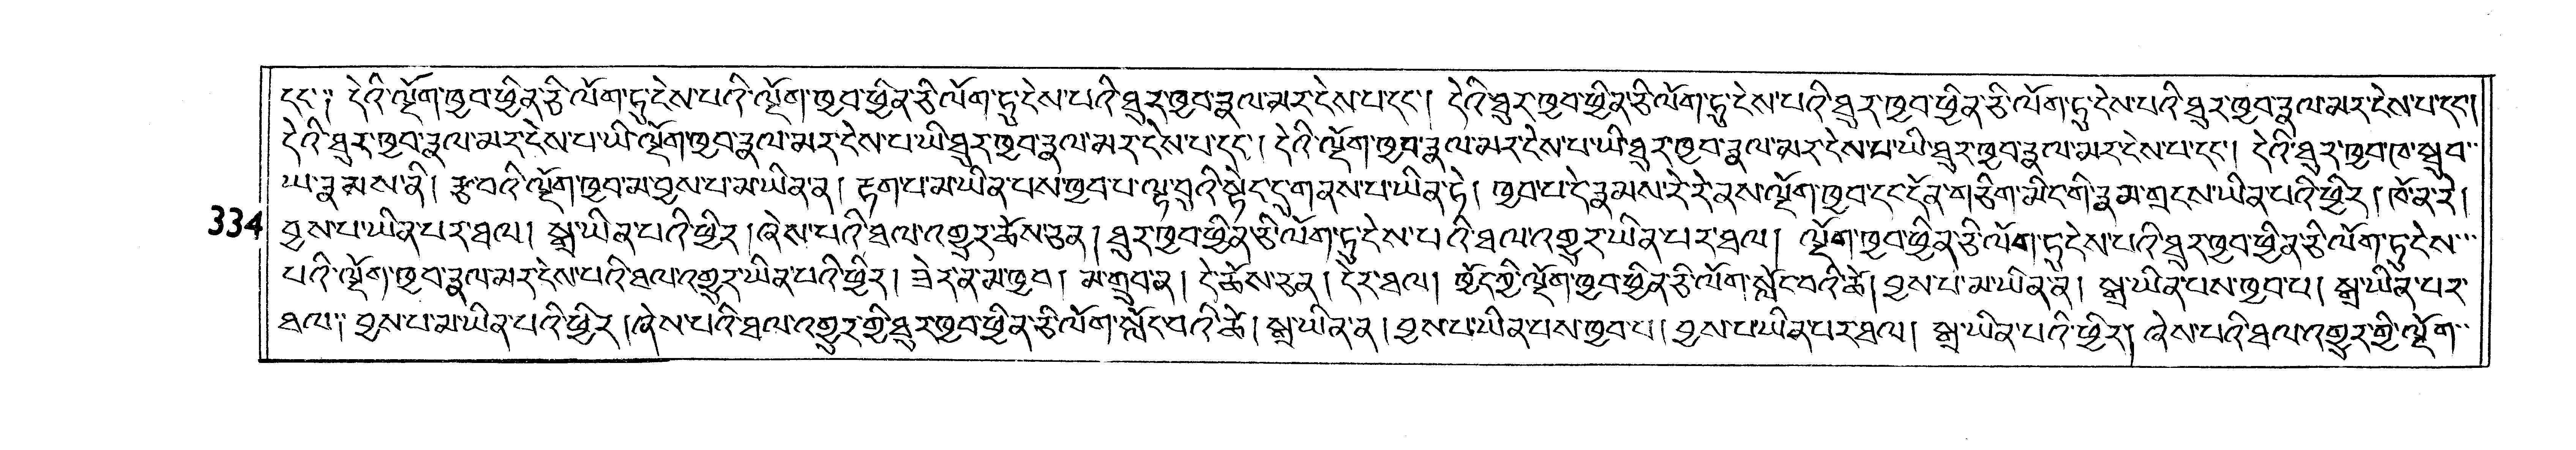དང༑ དེའི་ལྡོག་ཁྱབ་ཕྱིན་ཅི་ལོག་ཏུ་ངེས་པའི་ལྡོག་ཁྱབ་ཕྱིན་ཅི་ལོག་ཏུ་ངེས་པའི་ཐུར་ཁྱབ་རྣལ་མར་ངེས་པ་དང་། དེའི་ཐུར་ཁྱབ་ཕྱིན་ཅི་ལོག་ཏུ་ངེས་པའི་ཐུར་ཁྱབ་ཕྱིན་ཅི་ལོག་ཏུ་ངེས་པའི་ཐུར་ཁྱབ་རྣལ་མར་ངེས་པ་དང་།
དེའི་ཐུར་ཁྱབ་རྣལ་མར་ངེས་པ་ཡི་ལྡོག་ཁྱབ་རྣལ་མར་ངེས་པ་ཡི་ཐུར་ཁྱབ་རྣལ་མར་ངེས་པ་དང་། དེའི་ལྡོག་ཁྱབ་རྣལ་མར་ངེས་པ་ཡི་ཐུར་ཁྱབ་རྣལ་མར་ངེས་པ་ཡི་ཐུར་ཁྱབ་རྣལ་མར་ངེས་པ་དང་། དེའི་ཐུར་ཁྱབ་ཁ་སྦུབ་
ཡ་རྣམས་ནི། རྩ་བའི་ལྡོག་ཁྱབ་མ་བྱས་པ་མ་ཡིན་ན། རྟོག་པ་མ་ཡིན་པས་ཁྱབ་པ་ལྟ་བུའི་སྟེང་དུ་གནས་པ་ཡིན་ཏེ། ཁྱབ་པ་དེ་རྣམས་རེ་རེ་ནས་ལྡོག་ཁྱབ་དང་དོན་གཅིག་མིང་གི་རྣམ་གྲངས་ཡིན་པའི་ཕྱིར། ཁོ་ན་རེ།
བྱས་པ་ཡིན་པར་ཐལ། སྒྲ་ཡིན་པའི་ཕྱིར། ཞེས་པའི་ཐལ་འགྱུར་ཆོས་ཅན། ཐུར་ཁྱབ་ཕྱིན་ཅི་ལོག་ཏུ་ངེས་པའི་ཐལ་འགྱུར་ཡིན་པར་ཐལ། ལྡོག་ཁྱབ་ཕྱིན་ཅི་ལོག་ཏུ་ངེས་པའི་ཐུར་ཁྱབ་ཕྱིན་ཅི་ལོག་ཏུ་ངེས་
པའི་ལྡོག་ཁྱབ་རྣལ་མར་ངེས་པའི་ཐལ་འགྱུར་ཡིན་པའི་ཕྱིར། ཟེར་ན་མ་ཁྱབ། མ་གྲུབ་ན། དེ་ཆོས་ཅན། དེར་ཐལ། ཁྱོད་ཀྱི་ལྡོག་ཁྱབ་ཕྱིན་ཅི་ལོག་སློང་བའི་ཚེ། བྱས་པ་མ་ཡིན་ན། སྒྲ་ཡིན་པས་ཁྱབ་པ། སྒྲ་ཡིན་པར་
ཐལ༑ བྱས་པ་མ་ཡིན་པའི་ཕྱིར། ཞེས་པའི་ཐལ་འགྱུར་གྱི་ཐུར་ཁྱབ་ཕྱིན་ཅི་ལོག་སློང་བའི་ཚེ། སྒྲ་ཡིན་ན། བྱས་པ་ཡིན་པས་ཁྱབ་པ། བྱས་པ་ཡིན་པར་ཐལ། སྒྲ་ཡིན་པའི་ཕྱིར། ཞེས་པའི་ཐལ་འགྱུར་གྱི་ལྡོག་